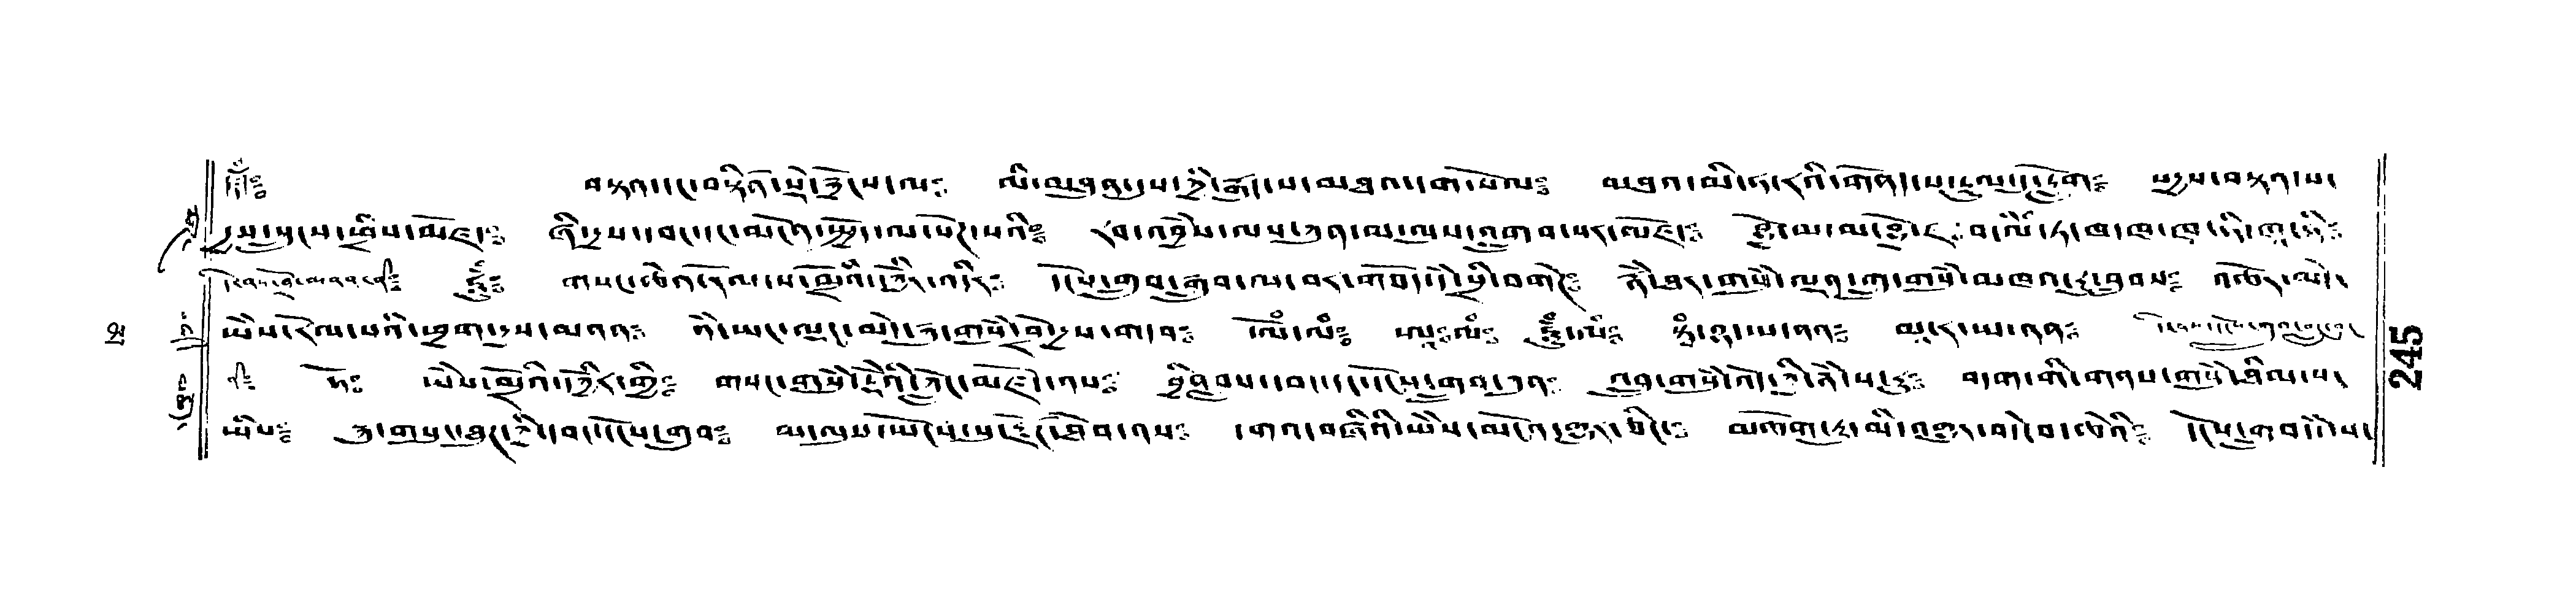བསྟན་དང་བསྟན་འཛིན་སྡེ་སྐྱོངས་ལ༔ མི་མཐུན་དུས་ཀྱི་རྒུད་པ་མཐའ་དག་སོལ༔ མཐའ་མི་ཧ་རའི་གནོད་པ་རྡུལ་དུ་རློག༔ སངས་རྒྱས་བསྟན་པ་
རྒྱས་སྲུངས་ཕྲིན་ལས་མཛོད༔ ཞི་རྒྱས་དབང་དང་མངོན་སྤྱོད་ལ་སོགས་པའི༔ རབ་འབྱམས་ལས་ཀུན་མ་ལུས་འགྲུབ་པར་མཛོད༔ བྷྱོ་མ་མ་བྷྱོ་ཛཿབྷ་ལིཾ་ཏ་ཁ་ཁ་ཁཱ་ཧི་ཁཱ་ཧིཿ 
དེ་ནས་བྲོ་མནན་ནི༔ ཧཱུྃ༔ གསང་ཆེན་རོལ་པ་མཁའ་འགྲོའི་དཀྱིལ་འཁོར་འདིར༔ དངོས་གྲུབ་སྒྲུབ་ལ་བར་གཅོད་དམ་སྲི་བགེགས༔ རྣམ་ཐར་གསུམ་ལྡན་གྲུ་གསུམ་མཁའ་རུ་བྲུབས༔ འཆོར་མེད་
ཡེ་ཤེས་རོལ་པའི་ཕྱག་རྒྱས་མནན༔ ནམ་ཡང་ལྡང་མེད་སྐུ་གསུམ་བྲོ་རྒྱས་གདབ༔ ཨོཾ་ལཾ༔ ཨཱཿལཾ༔ ཧཱུྃ་ལཾ༔ སྟྭཾ་བྷ་ཡ་ནན༔ མཱ་ར་ཡ་ནན༔ དེ་ནས་དངོས་གྲུབ་བླང་བ་
ནི༔ ཧོཿ ཡེ་ཤེས་མཁའ་འགྲོའི་དཀྱིལ་འཁོར་གྱི༔ གསང་གསུམ་རྡོ་རྗེའི་ཀློང་མཛོད་ནས༔བྱིན་རླབས་དབང་དང་དངོས་གྲུབ་ཀུན༔ འབྲུ་གསུམ་འོད་ཀྱི་རྣམ་པ་རུ༔ བདག་གི་གནས་གསུམ་ཐིམ་པ་
ཡིས༔ སྐུ་གསུང་ཐུགས་ཀྱི་དབང་དངོས་གྲུབ༔ མ་ལུས་ཡོངས་སུ་རྫོགས་ཐོབ་ནས༔ དགའ་བཞིའི་ཡེ་ཤེས་མངོན་གྱུར་ཅིང༔ མཆོག་ཏུ་མི་འགྱུར་བདེ་བ་ཆེའི༔ དངོས་གྲུབ་དམ་པ་